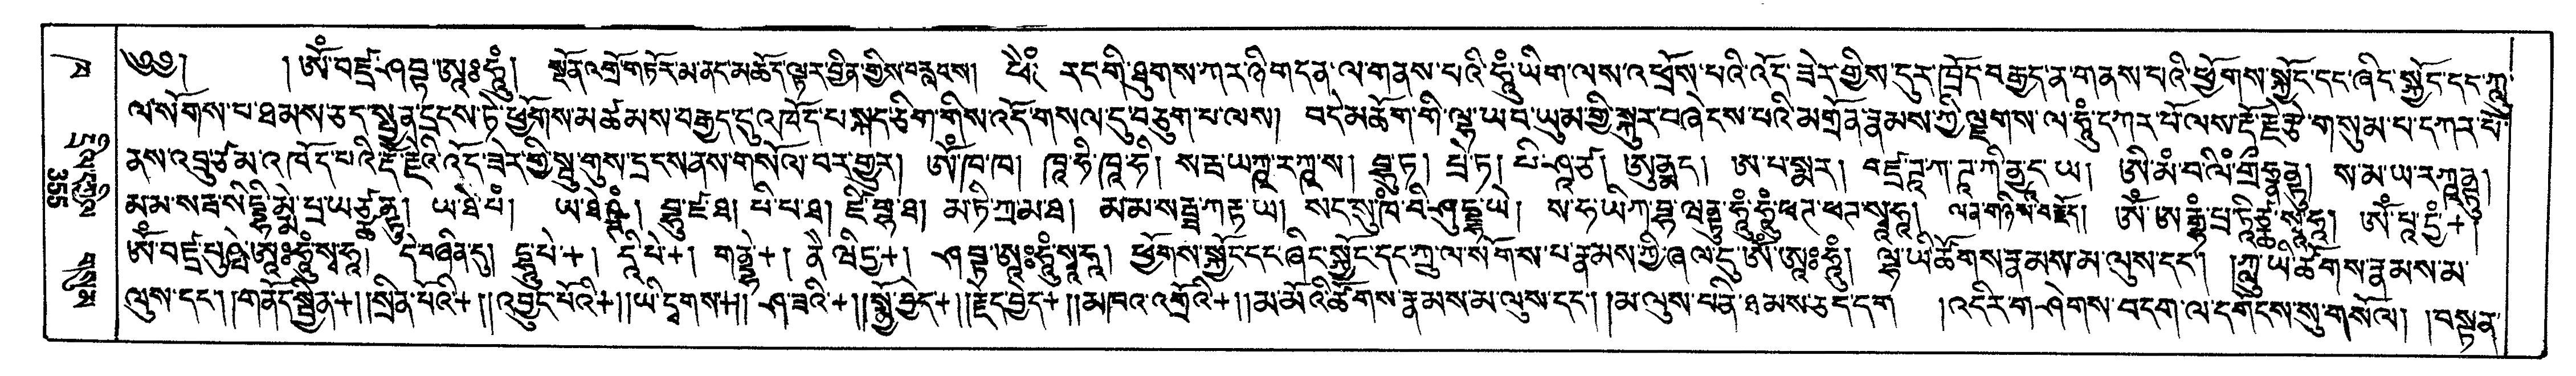༄༅། །ཨོཾ་བཛྲ་ཤཔྟ་ཨཱཿ ཧཱུཾ། སྔོན་འགྲོ་གཏོར་མ་ནང་མཆོད་ལྟར་བྱིན་གྱིས་བརླབས། ཕཻཾ༑ རང་གི་ཐུགས་ཀར་ཉི་གདན་ལ་གནས་པའི་ཧཱུཾ་ཡིག་ལས་འཕྲོས་པའི་འོད་ཟེར་གྱིས་དུར་ཁྲོད་བརྒྱད་ན་གནས་པའི་ཕྱོགས་སྐྱོང་དང་ཞིང་སྐྱོང་དང་ཀླུ་
ལ་སོགས་པ་ཐམས་ཅད་སྤྱན་དྲངས་ཏེ་ཕྱོགས་མཚམས་བརྒྱད་དུ་འཁོད་པ་སྐད་ཅིག་གིས་འོད་གསལ་དུ་བཅུག་པ་ལས། བདེ་མཆོག་གི་ལྷ་ཡབ་ཡུམ་གྱི་སྐུར་བཞེངས་པའི་མགྲོན་རྣམས་ཀྱི་ལྗགས་ལ་ཧཱུཾ་དཀར་པོ་ལས་རྡོ་རྗེ་རྩེ་གསུམ་པ་དཀར་པོ་
ནས་འབྲུ་ཙམ་འཁོད་པའི་རྡོ་རྗེའི་འོད་ཟེར་གྱི་སྦུ་གུས་དྲངས་ནས་གསོལ་བར་གྱུར། ཨོཾ་ཁ་ཁ། ཁཱ་ཧི་ཁཱ་ཧི། སརྦ་ཡཀྵ་རཀྵ་ས། བྷ་ཏ། པྲེ་ཏ། པི་ཤཱ་ཙ། ཨུ་ནྨ་ད། ཨ་པ་མྨཱ་ར། བཛྲ་ཌཱ་ཀ་ཌཱ་ཀི་ནྱཱ་ད་ཡ། ཨི་མཾ་བ་ལིཾ་གྲྀ་ཧྣ་ནྟུ། ས་མ་ཡ་རཀྵ་ནྟུ།
མམ་སརྦ་སིདྡྷི་མྨེ་པྲ་ཡ་ཙྪ་ནྟུ། ཡ་ཐེ་པཾ། ཡ་ཐེ་ཥྚཾ། བྷུ་ཛ་ཐ། པི་པ་ཐ། ཛི་གྷ་ཐ། མ་ཏི་ཀྲ་མ་ཐ། མ་མ་སརྦྦ་ཀ་རྟ་ཡ། སད་སུ་ཁཾ་བི་ཤུ་དྡྷ་ཡེ། ས་ཧ་ཡི་ཀ་བྷ་ཝ་ནྟུ་ཧཱུཾ་ཧཱུཾ་ཕཊ་ཕཊ་སྭཱ་ཧཱ། ལན་གཉིས་བརྗོད། ཨོཾ་ཨརྒྷཾ་པྲ་ཏཱི་ཙྪ་སྭཱ་ཧཱ། ཨོཾ་པཱ་དྱཾ་+།
ཨོཾ་བཛྲ་པུ་ཥྤེ་ཨཱཿ ཧཱུཾ་སྭཱ་ཧཱ། དེ་བཞིན་དུ། དྷཱུ་པེ་+། དཱི་བེ་+། གནྡྷེ་+། ནཻ་ཝི་དྱ་+། ཤབཏ་ཨཱཿ ཧཱུཾ་སྭཱ་ཧཱ། ཕྱོགས་སྐྱོང་དང་ཞིང་སྐྱོང་དང་ཀླུ་ལ་སོགས་པ་རྣམས་ཀྱི་ཞལ་དུ་ཨོཾ་ཨཱཿ ཧཱུཾ། ལྷ་ཡི་ཚོགས་རྣམས་མ་ལུས་དང་། །ཀླུ་ཡི་ཚོགས་རྣམས་མ་
ལུས་དང་། །གནོད་སྦྱིན་+། །སྲིན་པོའི་+། །འབྱུང་པོའི་+། །ཡི་དྭགས་+། །ཤ་ཟའི་+། །སྨྱོ་བྱེད་+། །རྗེད་བྱེད་+། །མཁའ་འགྲོའི་+། མ་མོའི་ཚོགས་རྣམས་མ་ལུས་དང་། །མ་ལུས་པ་ནི་ཐམས་ཅད་དག །འདིར་གཤེགས་བདག་ལ་དགོངས་སུ་གསོལ། །བསྟན་